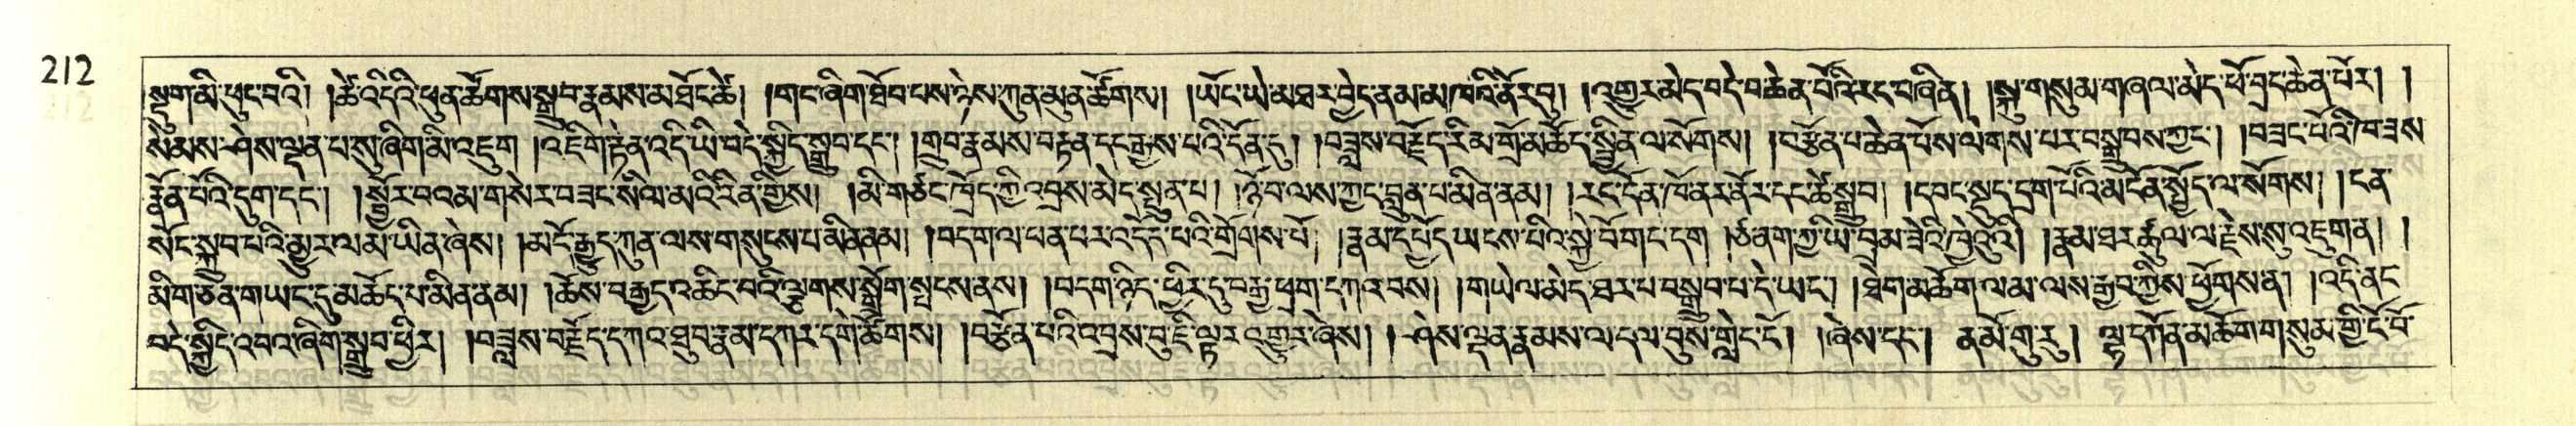སྡུག་མི་ཕུང་བའི། །ཚེ་འདིའི་ཕུན་ཚོགས་སྒྲུབ་རྣམས་མཐོང་ཚེ། །གང་ཞིག་ཐོབ་པས་ཉེས་ཀུན་མུན་ཚོགས། །ཡོང་ཡེ་མཐར་བྱེད་ནམ་མཁའི་ནོར་བུ། །འགྱུར་མེད་བདེ་བ་ཆེན་པོའི་རང་བཞིན། །སྐུ་གསུམ་གཞལ་མེད་ཕོ་བྲང་ཆེན་པོར། །
སེམས་ཤེས་ལྡན་པ་སུ་ཞིག་མི་འཇུག །འཇིག་རྟེན་འདི་ཡི་བདེ་སྐྱིད་སྒྲུབ་དང་། །གྲུབ་རྣམས་བརྟན་དང་རྒྱས་པའི་དོན་དུ། །བཟླས་བརྗོད་རིམ་གྲོ་མཆོད་སྦྱིན་ལ་སོགས། །བརྩོན་པ་ཆེན་པོས་ལེགས་པར་བསྒྲུབས་ཀྱང་། །བཟང་པོའི་ཁ་ཟས་
རྣོན་པོའི་དུག་དང་། །སྦྱོར་བའམ་གསེར་བཟང་སིལ་མའི་རིན་གྱིས། །མི་གཙང་ཁྲོད་ཀྱི་འབྲས་མེད་སྤུན་པ། །ཉོན་བ་ལས་ཀྱང་བླུན་པ་མིན་ནམ། །རང་དོན་ཁོ་ནར་ནོར་དང་ཚེ་སྒྲུབ། །དབང་སྡུད་དྲག་པོའི་མངོན་སྤྱོད་ལ་སོགས། །ངན་
སོང་སྐྲུབ་པའི་མྱུར་ལམ་ཡིན་ཞེས། །མདོ་རྒྱུད་ཀུན་ལས་གསུངས་པ་མིན་ནམ། །བདག་ལ་ཕན་པར་འདོད་པའི་གྲོགས་པོ། །རྣམ་དཔྱོད་ཡངས་པའི་སྐྱེ་བོ་གང་དག །ཙ་ནག་ཀྱི་ཡ་བྲམ་ཟེའི་ཁྱེའུའི། །རྣམ་ཐར་ཚུལ་ལ་རྗེས་སུ་འཇུག་ན། །
མིག་ཅན་གཡང་དུ་མཆོད་པ་མིན་ནམ། །ཆོས་བརྒྱད་འཆིང་བའི་ལྕགས་སྒྲོག་སྤངས་ནས། །བདག་ཉིད་ཕྱིར་དུ་བརྒྱ་ཕྲག་དཀའ་བས། །གཡེལ་མེད་ཐར་པ་བསྒྲུབ་པ་དེ་ཡང་། །ཐེག་མཆོག་ལམ་ལས་རྒྱབ་ཀྱིས་ཕྱོགས་ན། །འདི་ནང་
བདེ་སྐྱིད་འབའ་ཞིག་སྒྲུབ་ཕྱིར། །བཟླས་བརྗོད་དཀའ་ཐུབ་རྣམ་དཀར་དགེ་ཚོགས། །བརྩོན་པའི་འབྲས་བུ་ཇི་ལྟར་འགྱུར་ཞེས། །ཤེས་ལྡན་རྣམས་ལ་དལ་བུས་གླེང་ངོ། །ཞེས་དང་། ན་མོ་གུ་རུ། ལྷ་དཀོན་མཆོག་གསུམ་གྱི་ངོ་བོ་